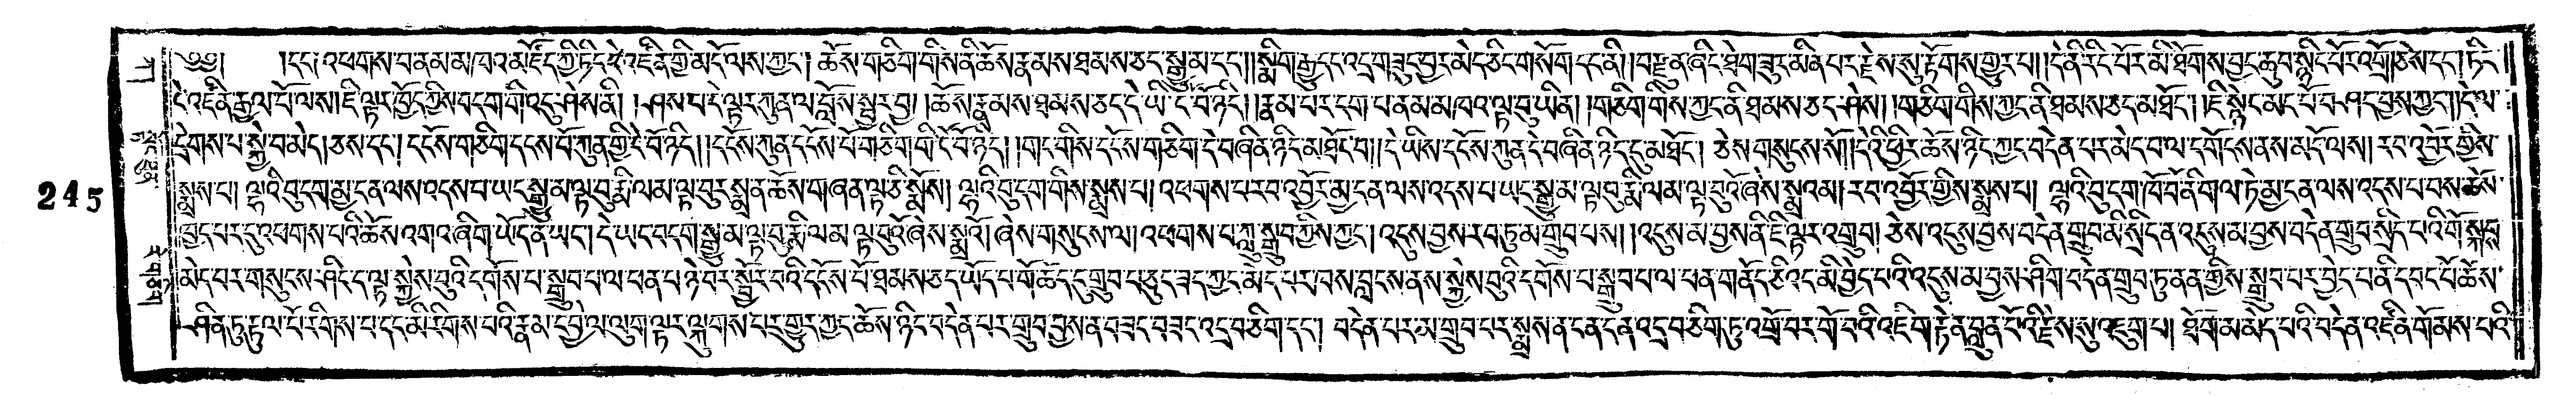༄༅། །དང༑ འཕགས་པ་ནམ་མཁའ་མཛོད་ཀྱི་ཏིང་ངེ་འཛིན་གྱི་མདོ་ལས་ཀྱང་། ཆོས་གཅིག་གིས་ནི་ཆོས་རྣམས་ཐམས་ཅད་སྒྱུ་མ་དང་། །སྨིག་རྒྱུ་དང་འདྲ་གཟུང་བྱར་མེད་ཅིང་གསོག་དང་ནི། །བརྫུན་ཞིང་ཐེག་ཟུར་མིན་པར་རྗེས་སུ་རྟོགས་གྱུར་པ། །དེ་ནི་རིང་པོར་མི་ཐོགས་བྱང་ཆུབ་སྙིང་པོར་འགྲོ་།ཅེས་དང་། ཏིང་
ངེ་འཛིན་རྒྱལ་པོ་ལས། ཇི་ལྟར་ཁྱོད་ཀྱིས་བདག་གི་འདུ་ཤེས་ན། །ཤས་པ་དེ་ལྟར་ཀུན་ལ་བློས་སྦྱར་བྱ། །ཆོས་རྣམས་ཐམས་ཅད་དེ་ཡི་ངོ་བོ་ཉིད། །རྣམ་པར་དག་པ་ནམ་མཁའ་ལྟ་བུ་ཡིན། །གཅིག་གིས་ཀྱང་ནི་ཐམས་ཅད་ཤེས། །གཅིག་གིས་ཀྱང་ནི་ཐམས་ཅད་མཐོང་། །ཇི་སྙེད་མང་པོ་བཤད་བྱས་ཀྱང་། །དེ་ལ་
དྲེགས་པ་སྐྱེ་བ་མེད། ཅས་དང་། དངོས་གཅིག་དངས་པོ་ཀུན་གྱི་ངོ་བོ་ཉིད། །དངོས་ཀུན་དངོས་པོ་གཅིག་གི་ངོ་བོ་ཉིད། །གང་གིས་དངོས་གཅིག་དེ་བཞིན་ཉིད་མཐོང་བ། །དེ་ཡིས་དངོས་ཀུན་དེ་བཞིན་ཉིད་དུ་མཐོང་། ཅེས་གསུངས་སོ། །དེའི་ཕྱིར་ཆོས་ཉིད་ཀྱང་བདེན་པར་མེད་པ་ལ་དགོངས་ནས་མདོ་ལས། རབ་འབྱོར་གྱིས་
སྨྲས་པ། ལྷའི་བུ་དག་མྱ་ངན་ལས་འདས་པ་ཡང་སྒྱུ་མ་ལྟ་བུ་རྨི་ལམ་ལྟ་བུར་སྨྲ་ན་ཆོས་གཞན་ལྟ་ཅི་སྨོས། ལྷའི་བུ་དག་གིས་སྨྲས་པ། འཕགས་པ་རབ་འབྱོར་མྱ་ངན་ལས་འདས་པ་ཡང་སྒྱུ་མ་ལྟ་བུ་རྨི་ལམ་ལྟ་བུའོ་ཞེས་སྨྲའམ། རབ་འབྱོར་གྱིས་སྨྲས་པ། ལྷའི་བུ་དག་ཁོ་བོ་ནི་གལ་ཏེ་མྱ་ངན་ལས་འདས་པ་བས་ཆོས་
ཁྱད་པར་དུ་འཕགས་པའི་ཆོས་འགའ་ཞིག་ཡོད་ན་ཡང་། དེ་ཡང་བདག་སྒྱུ་མ་ལྟ་བུ་རྨི་ལམ་ལྟ་བུའོ་ཞེས་སྨྲའོ། ཞེས་གསུངས་ལ། འཕགས་པ་ཀླུ་སྒྲུབ་ཀྱིས་ཀྱང་། འདུས་བྱས་རབ་ཏུ་མ་གྲུབ་པས། །འདུས་མ་བྱས་ནི་ཇི་ལྟར་འགྲུབ། ཅེས་འདུས་བྱས་བདེན་གྲུབ་མི་སྲིད་ན་འདུས་མ་བྱས་བདེན་གྲུབ་སྲིད་པའི་གོ་སྐབས་
མེད་པར་གསུངས་ཤིང་ད་ལྟ་སྐྱེས་བུའི་དགོས་པ་སྒྲུབ་པ་ལ་ཕན་པ་ཉེ་བར་སྦྱོར་བའི་དངོས་པོ་ཐམས་ཅད་ཡོད་པ་གོ་ཆོད་དུ་གྲུབ་པ་ཅུང་ཟད་ཀྱང་མེད་པར་ཁས་བླངས་ནས་སྐྱེས་བུའི་དགོས་པ་སྒྲུབ་པ་ལ་ཕན་གནོད་ཅིའང་མི་བྱེད་པའི་འདུས་མ་བྱས་ཤིག་བདེན་གྲུབ་ཏུ་ནན་གྱིས་སྒྲུབ་པར་བྱེད་པ་ནི་དབང་པོ་ཆེས་
ཤིན་ཏུ་རྡུལ་པོ་རིགས་པ་དང་མི་རིགས་པའི་རྣམ་དབྱེ་ལ་ལུག་ལྟར་ལྐུགས་པར་གྱུར་ཀྱང་ཆོས་ཉིད་བདེན་པར་གྲུབ་བྱས་ན་བཟང་བཟང་འདྲ་བ་ཅིག་དང་། བདེན་པར་མ་གྲུབ་པར་སྨྲས་ན་དན་དན་འདྲ་བ་ཅིག་ཏུ་འགྲོ་བར་གོ་བའི་འཇིག་རྟེན་བླུན་པོའི་རྗེས་སུ་འཇུག་པ། ཐོག་མ་མེད་པའི་བདེན་འཛིན་གོམས་པའི་